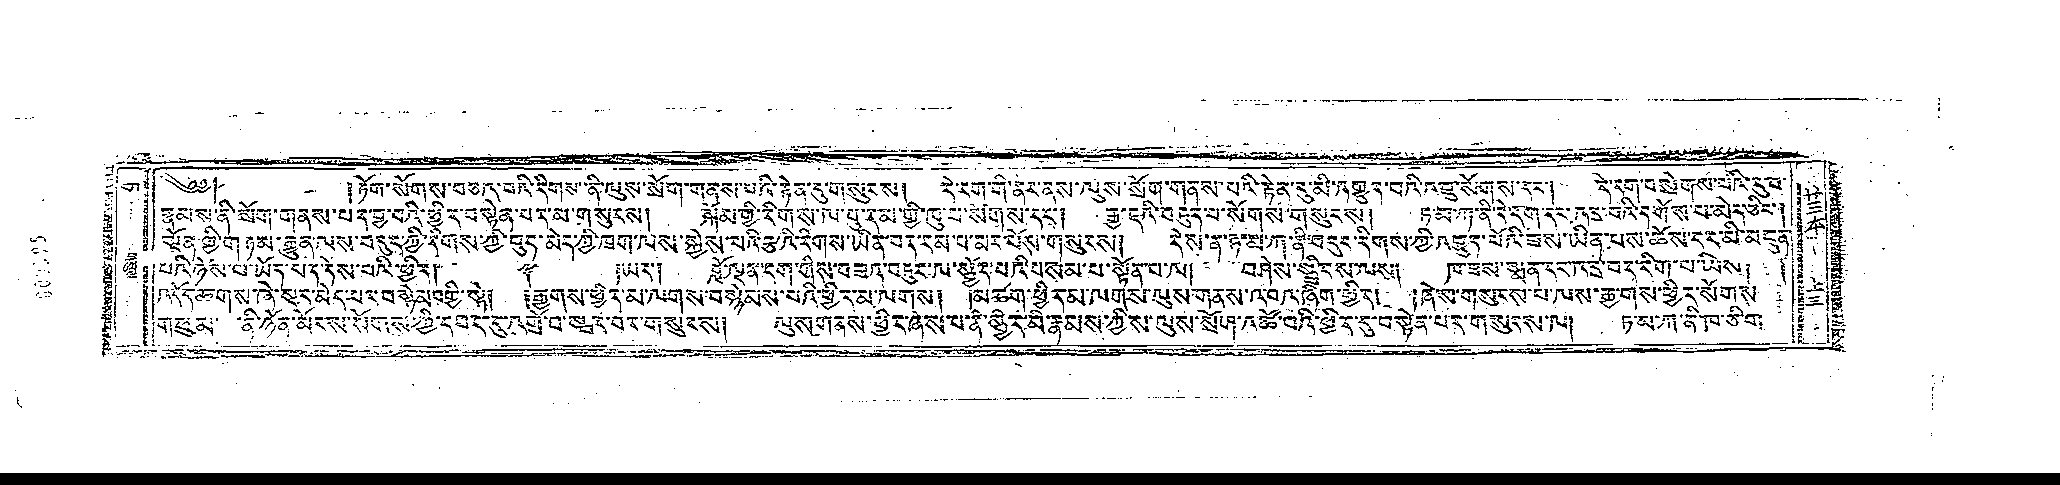༄༅། །ཏོག་སོགས་བཅའ་བའི་རིགས་ནི་ལུས་སྲོག་གནས་བའི་རྟེན་དུ་གསུངས། དེ་དག་གི་ནང་ནས་ལུས་སྲོག་གནས་པའི་རྟེན་དུ་མི་འགྱུར་པའི་འབྲུ་སོགས་དང་། དེ་དག་བསྲེགས་པའི་དུ་བ་
རྣམས་ནི་སྲོག་གནས་པར་བྱ་བའི་ཕྱིར་བསྟེན་པར་མ་གསུངས། །སྐོམ་གྱི་རིགས་ལ་བུ་རམ་གྱི་ཁུ་བ་སོགས་དང་། རྒྱ་ཇའི་བཏུང་བ་སོགས་གསུངས། ཏ་མ་ཀ་ནི་དེ་དག་དང་འདྲ་བའི་དགོས་པ་མེད་ཅིང་།
སྔོན་གྱི་གཏམ་རྒྱུན་ལས་བདུད་ཀྱི་རིགས་ཀྱི་བུད་མེད་ཀྱི་ཁྲག་ལས་སྐྱེས་པའི་རྩའི་དིགས་ཡིན་བར་དམ་པ་མང་པོས་གསུངས། དེས་ན་ཏ་མ་ཀ་ནི་བདུད་རིགས་ཀྱི་འབྱུང་པོའི་ཟས་ཡིན་པས་ཆོས་དང་མི་མཐུན་
པའི་ཉེས་པ་ཡོད་པར་དེས་པའི་ཕྱིར། ༈ །ཡང་། བློ་ལྡན་དག་གིས་བཟའ་བཏུང་ལ་སྦྱོར་པའི་བསམ་པ་སྟོན་བ་ལ། བཤེས་སྦྲིངས་ལས། ཁ་ཟས་སྨན་དང་འདྲ་བར་རིག་པ་ཡིས། །
འདོད་ཆགས་ཞེ་སྡང་མེད་བར་བསྟེམ་བགྱི་སྟེ། །རྒྱགས་ཕྱིར་མ་ལགས་བསྙེམས་པའི་ཕྱིར་མ་ལགས། །མཚག་ཕྱིར་མ་ལགས་ལུས་གནས་འབའ་ཞིག་ཕྱིར། །ཞེས་གསུངས་པ་ལས་རྒྱགས་ཕྱིར་སོགས་
གསུམ་ནི་ཉོན་མོངས་སོགས་ཀྱི་དབང་དུ་འགྲོ་བ་སྤང་བར་གསུངས། ལུས་གནས་ཕྱིར་ཞེས་བ་ནི་སྤྱིར་མི་རྣམས་ཀྱིས་ལུས་སྲོག་འཚོ་བའི་ཕྱིར་དུ་བསྟེན་པར་གསུངས་ལ། ཏ་མ་ཀ་ནི་ཁ་ཅིག་